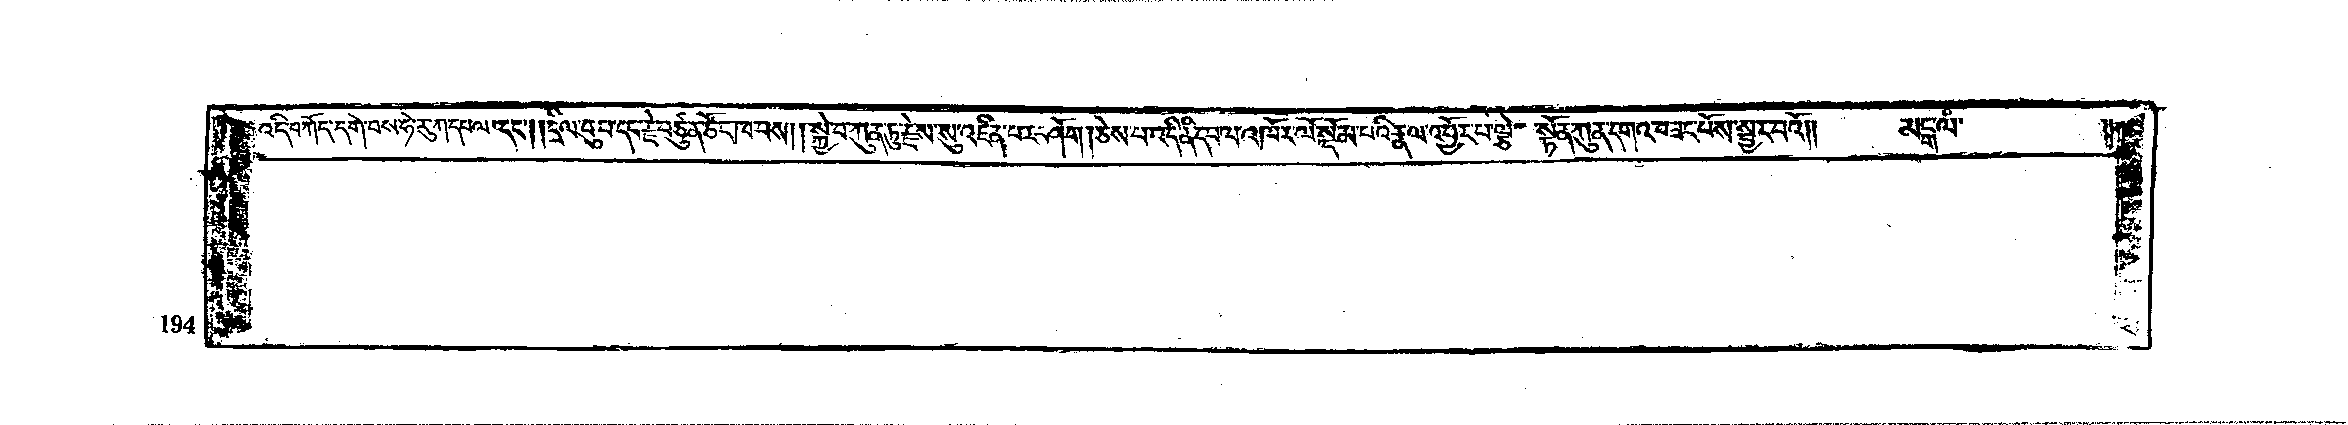འདི་བཀོད་དགེ་བས་ཧེ་རུ་ཀ་དཔལ་དང་། །དྲིལ་བུ་པ་དང་རྗེ་བཙུན་ཙོང་ཁ་པས། །སྐྱེ་བ་ཀུན་ཏུ་རྗེས་སུ་འཛིན་པར་ཤོག །ཅེས་པ་འདི་ནི་དཔལ་འཁོར་ལོ་སྡོམ་པའི་རྣལ་འབྱོར་པ་ལྕེ་སྟོན་ཀུན་དགའ་བཟང་པོས་སྦྱར་བའོ།། མངྒླཾ་